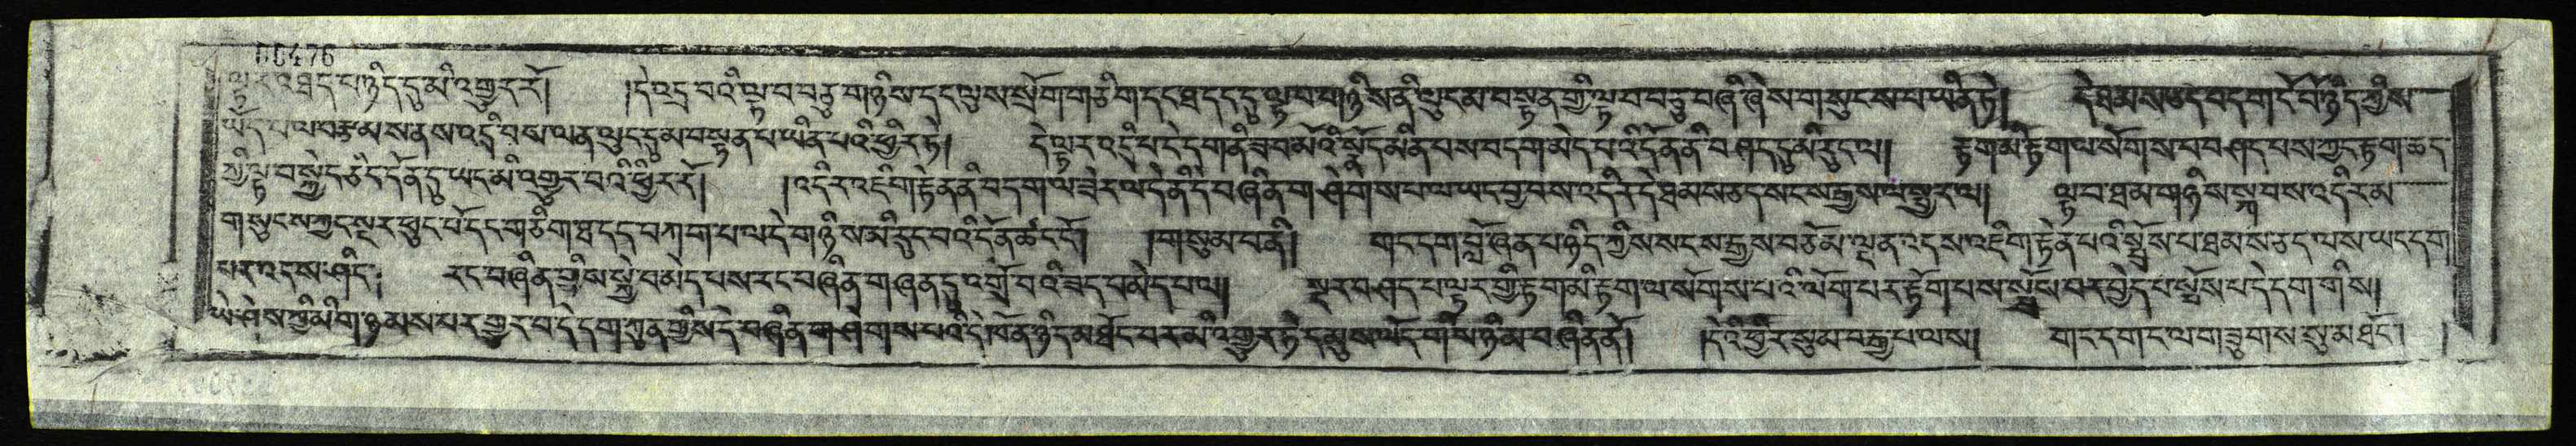ལྟར་འཐད་པ་ཉིད་དུ་མི་འགྱུར་རོ། །དེ་འདྲ་བའི་ལྟ་བ་བཅུ་གཉིས་དང་ལུས་སྲོག་གཅིག་དང་ཐ་དད་དུ་ལྟ་བ་གཉིས་ནི་ལུང་མ་བསྟན་གྱི་ལྟ་བ་བཅུ་བཞི་ཞེས་གསུངས་པ་ཡིན་ཏེ། དེ་ཐམས་ཅད་བདག་ངོ་བོ་ཉིད་ཀྱིས་
ཡོད་པ་ལ་བརྩམས་ནས་འདྲི་བས་ལན་ལུང་དུ་མ་བསྟན་པ་ཡིན་པའི་ཕྱིར་ཏེ། དེ་ལྟར་འདྲི་བ་དེ་དག་ནི་ཟབ་མོའི་སྣོད་མིན་པས་བདག་མེད་པའི་དོན་ནི་བཤད་དུ་མི་རུང་ལ། རྟག་མི་རྟག་ལ་སོགས་པ་བཤད་པས་ཀྱང་རྟག་ཆད་
ཀྱི་ལྟ་བ་སྐྱེད་ཅིང་དོན་དུ་ཡང་མི་འགྱུར་བའི་ཕྱིར་རོ། །འདིར་འཇིག་རྟེན་ནི་བདག་ལ་ཟེར་ལ་དེ་ནི་དེ་བཞིན་གཤེགས་པ་ལ་ཡང་བྱ་བས་འདིར་དེ་ཐམས་ཅད་སངས་རྒྱས་ལ་སྦྱར་ལ། ལྟ་བ་ཐ་མ་གཉིས་སྐབས་འདིར་མ་
གསུངས་ཀྱང་སྔར་ཕུང་པོ་དང་གཅིག་ཐ་དད་བཀག་པ་ལ་དེ་གཉིས་མི་རུང་བའི་དོན་ཚང་ངོ། །གསུམ་པ་ནི། གང་དག་བློ་ཞན་པ་ཉིད་ཀྱིས་སངས་རྒྱས་བཅོམ་ལྡན་འདས་འཇིག་རྟེན་པའི་སྤྲོས་པ་ཐམས་ཅད་ལས་ཡང་དག་
པར་འདས་ཤིང་། རང་བཞིན་གྱིས་སྐྱེ་བ་མེད་པས་རང་བཞིན་གཞན་དུ་འགྲོ་བའི་ཟད་པ་མེད་པ་ལ། སྔར་བཤད་པ་ལྟར་གྱི་རྟག་མི་རྟག་ལ་སོགས་པའི་ལོག་པར་རྟོག་པས་སྤྲོས་བར་བྱེད་པ་སྤོས་པ་དེ་དག་གིས།
ཡེ་ཤེས་ཀྱི་མིག་ཉམས་པར་གྱུར་བ་དེ་དག་ཀུན་གྱིས་དེ་བཞིན་གཤེགས་པའི་དེ་ཁོ་ན་ཉིད་མཐོང་བར་མི་འགྱུར་ཏེ་དམུས་ཡོད་གིས་ཉི་མ་བཞིན་ནོ། །དེའི་ཕྱིར་སུམ་བརྒྱ་པ་ལས། གང་དག་ང་ལ་གཟུགས་སུ་མཐོང་། །